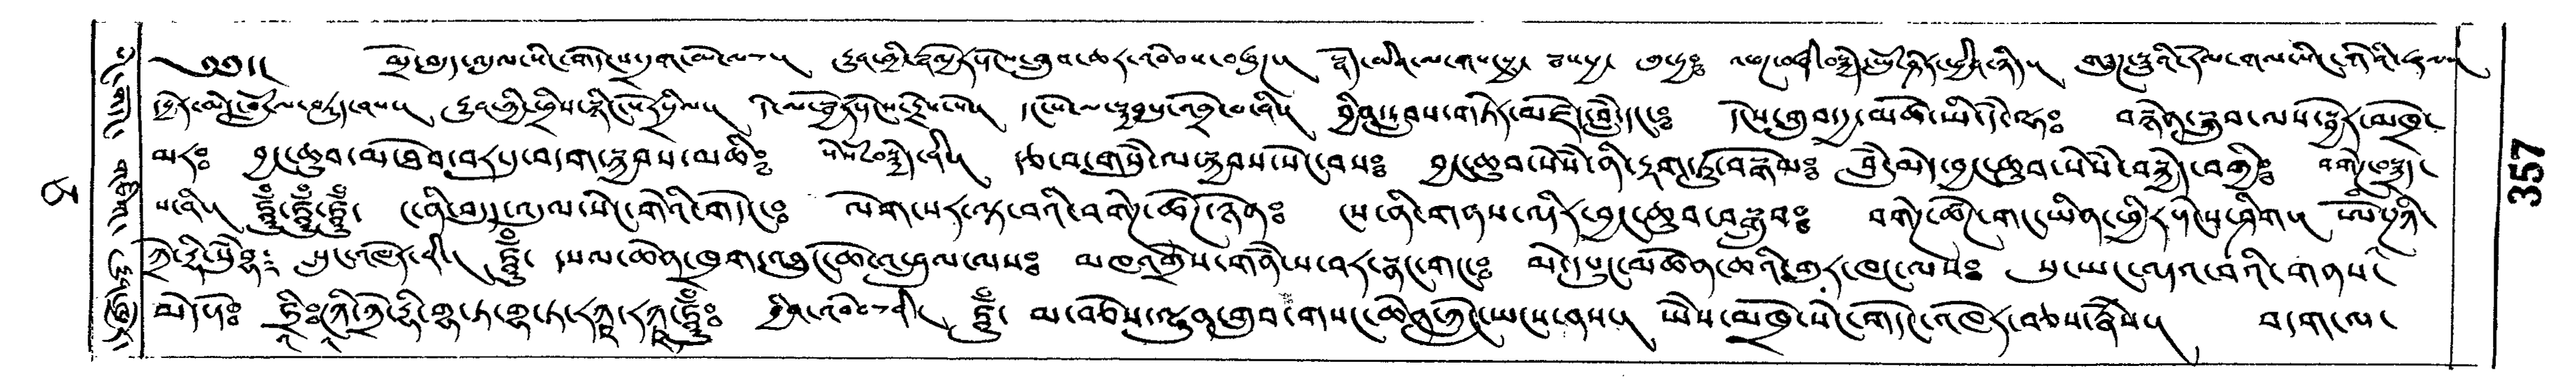༄༅། མཁའ་འགྲོ་བདུད་འདུལ་སེང་གདོང་དྲག་མོ་ལས། རྒྱུན་གྱི་རྣལ་འབྱོར་དངོས་གྲུབ་ཆར་འབེབས་བཞུགས། སྣོད་མིན་ལ་གསང་རྒྱ། སྦས་རྒྱ། གུ་ཧྱ། འཕགས་བཞི་བསྐྱེད་ཡུམ་ཤེར་ཕྱིན་ཉིད། །གཟུགས་སྐུའི་རོལ་གར་སེང་གེའི་ཞལ། །
དབྱེར་མེད་བླ་མ་ལ་བཏུད་ནས། །རྒྱུན་གྱི་ཕྲིན་ལས་སྙིང་པོར་དྲིལ། །དེ་ལ་སྦྱོར་དོངས་རྗེས་སོ། དང་པོ་ལ་སྐྱབས་སུ་འགྲོ་བ་ནི། བྱིན་རླབས་གཏེར་མཛོད་བླ་མ་དང༔ དངོས་གྲུབ་རྒྱ་མཚོ་ཡི་དམ་ལྷ༔ བསྙེན་སྒྲུབ་ལས་སྦྱོར་མཁའ་འགྲོ་
མར༔ བྱང་ཆུབ་མ་ཐོབ་བར་དུ་བདག་སྐྱབས་མཆི༔ སེམས་བསྐྱེད་ནི། རྩ་བ་གསུམ་ལ་སྐྱབས་སོང་བས༔ བྱང་ཆུབ་སེམས་ནི་རྟག་ཏུ་བསྒོམ༔ བླ་མེད་བྱང་ཆུབ་སེམས་བསྐྱེད་བགྱི༔ བགེགས་བསྐྲད་
པ་ནི། ཧཱུྃ་ཧཱུྃ་ཧཱུྃ༔ ང་ནི་བདུད་འདུལ་སེང་གེའི་གདོང༔ ལོག་པར་ལྟ་བའི་བགེགས་ཚོགས་ཉོན༔ ངས་ནི་གནས་འདིར་བྱང་ཆུབ་བསྒྲུབ༔ བགེགས་ཚོགས་གང་ཡིན་ཕྱིར་དེངས་ཤིག༔ ཨོཾ་ཌཱཀྐི་
ཀྲོ་དྷི་སུམ་བྷ༴ སྲུང་འཁོར་ནི། ཧཱུྃ༔ དཔལ་ཆེན་ཁྲག་འཐུང་ཆོ་འཕྲུལ་ལས༔ མཁའ་འགྲོས་གནམ་ས་བར་སྣང་གང༔ མེ་དཔུང་མཚོན་ཆའི་གུར་ཁང་ལས༔ སུ་ཡང་འདའ་བའི་གནས་
མེད་དོ༔ ཧྲཱིཿཌཱཀྐི་ཀྲོ་དྷི་གྷ་ཏ་གྷ་ཏ་རཀྵ་རཀྵ་ཧཱུྃ༔ བྱིན་འབེབས་ནི། ཧཱུྃ༔ མ་བཅོས་ལྷུན་གྲུབ་གསང་ཆེན་ཀློང་ཡངས་ནས༔ ཡེ་ཤེས་མཁའ་འགྲོ་སེང་གདོང་འཁོར་བཅས་རྣམས༔ བདག་ལ་